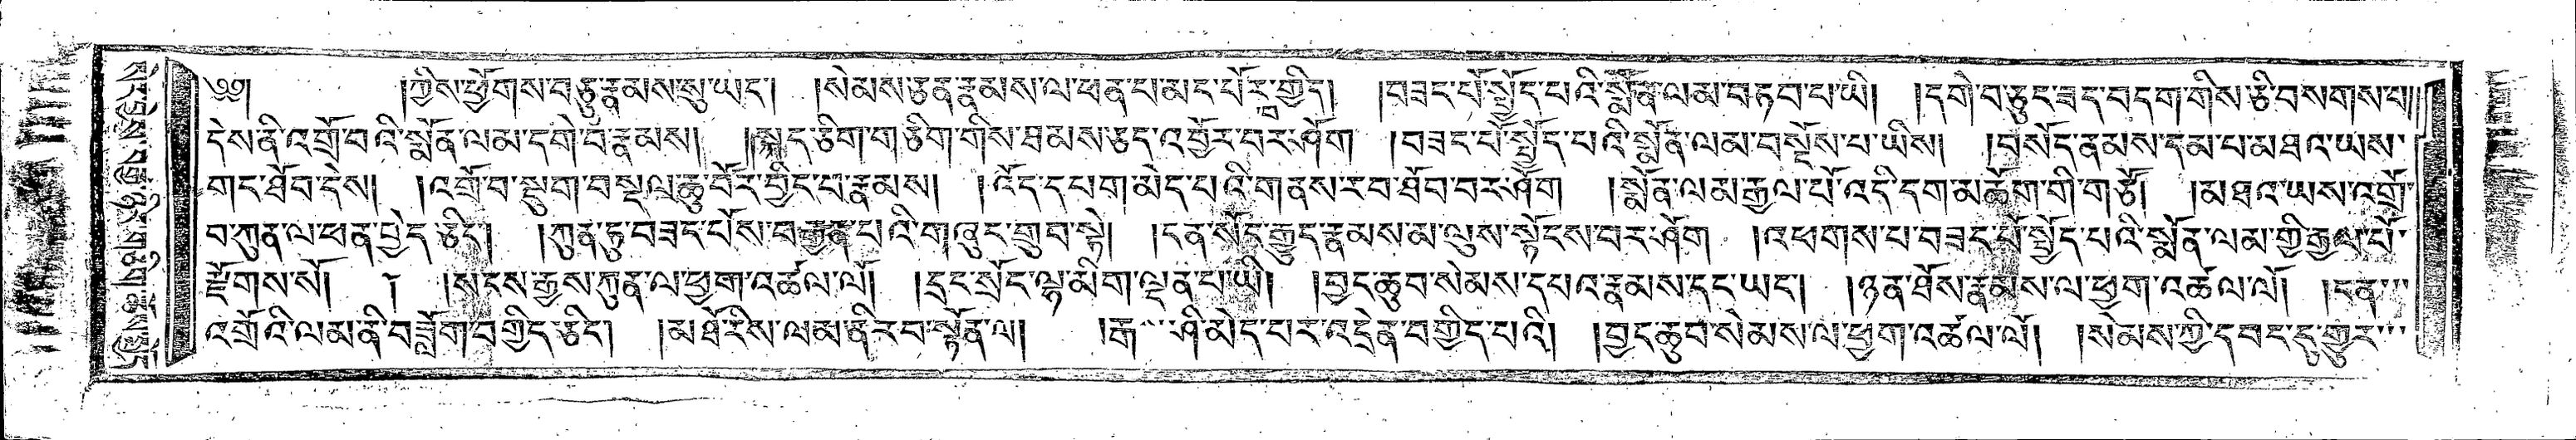༄༅། །ཀྱིས་ཕྱོགས་བཅུ་རྣམས་སུ་ཡང་། །སེམས་ཅན་རྣམས་ལ་ཕན་པ་མང་པོར་བགྱིད། །བཟང་པོ་སྤྱོད་པའི་སྨོན་ལམ་བཏབ་པ་ཡི། །དགེ་བ་ཅུང་ཟད་བདག་གིས་ཅི་བསགས་པ། །
དེས་ནི་འགྲོ་བའི་སྨོན་ལམ་དགེ་བ་རྣམས། །སྐད་ཅིག་གཅིག་གིས་ཐམས་ཅད་འབྱོར་བར་ཤོག །བཟང་པོ་སྤྱོད་པའི་སྨོན་ལམ་བསྔོས་པ་ཡིས། །བསོད་ནམས་དམ་པ་མཐའ་ཡས་
གང་ཐོབ་དེས། །འགྲོ་བ་སྡུག་བསྔལ་ཆུ་བོར་བྱིང་བ་རྣམས། །འོད་དཔག་མེད་པའི་གནས་རབ་ཐོབ་པར་ཤོག །སྨོན་ལམ་རྒྱལ་པོ་འདི་དག་མཆོག་གི་གཙོ། །མཐའ་ཡས་འགྲོ་
བ་ཀུན་ལ་ཕན་བྱེད་ཅིང་། །ཀུན་ཏུ་བཟང་པོས་བརྒྱན་པའི་གཞུང་གྲུབ་སྟེ། །ངན་སོང་རྒྱུད་རྣམས་མ་ལུས་སྟོངས་བར་ཤོག །འཕགས་པ་བཟང་པོ་སྤྱོད་པའི་སྨོན་ལམ་གྱི་རྒྱལ་པོ་
རྫོགས་སོ། ༈ །སངས་རྒྱས་ཀུན་ལ་ཕྱག་འཚལ་ལོ། །དྲང་སྲོང་ལྷ་མིག་ལྡན་པ་ཡི། །བྱང་ཆུབ་སེམས་དཔའ་རྣམས་དང་ཡང་། །ཉན་ཐོས་རྣམས་ལ་ཕྱག་འཚལ་ལོ། །ངན་
འགྲོའི་ལམ་ནི་བཟློག་བགྱིད་ཅིང་། །མཐོ་རིས་ལམ་ནི་རབ་སྟོན་ལ། །རྒ་ཤི་མེད་པར་འདྲེན་བགྱིད་པའི། །བྱང་ཆུབ་སེམས་ལ་ཕྱག་འཚལ་ལོ། །སེམས་ཀྱི་དབང་དུ་གྱུར་